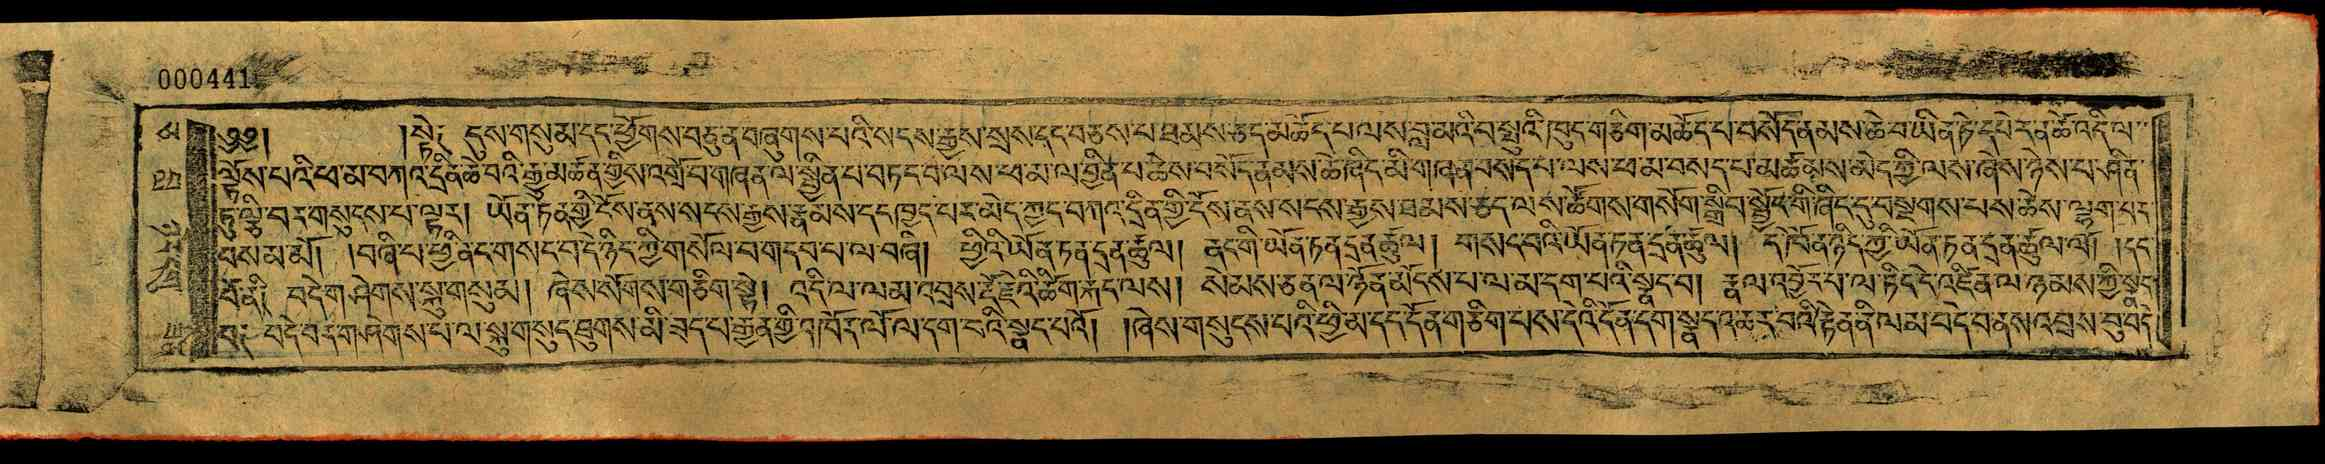༄༅། །སྟེ༑ དུས་གསུམ་དང་ཕྱོགས་བཅུ་ན་བཞུགས་པའི་སངས་རྒྱས་སྲས་དང་བཅས་པ་ཐམས་ཅད་མཆོད་པ་ལས་བླ་མའི་བ་སྤུའི་ཁུང་གཅིག་མཆོད་པ་བསོད་ནམས་ཆེ་བ་ཡིན་ཏེ་དཔེར་ན་ཚེ་འདི་ལ་
ལྟོས་པའི་ཕ་མ་བཀའ་དྲིན་ཆེ་བའི་རྒྱུ་མཚན་གྱིས་འགྲོ་བ་གཞན་ལ་སྦྱིན་པ་བཏང་བ་ལས་ཕ་མ་ལ་བྱིན་པ་ཆེས་བསོད་ནམས་ཆེ་ཞིང་མི་གཞན་བསད་པ་ལས་ཕ་མ་བསད་པ་མཚམས་མེད་ཀྱི་ལས་ཞེས་ཉེས་པ་ཤིན་
ཏུ་ལྕི་བར་གསུངས་པ་ལྟར། ཡོན་ཏན་གྱི་ངོས་ནས་སངས་རྒྱས་རྣམས་དང་ཁྱད་པར་མེད་ཀྱང་བཀའ་དྲིན་གྱི་ངོས་ནས་སངས་རྒྱས་ཐམས་ཅད་ལས་ཚོགས་གསོག་སྒྲིབ་སྦྱོང་གི་ཞིང་དུ་བསྔགས་པས་ཆེས་ལྷག་པར་
བསམ་མོ། །བཞི་པ་ཕྱི་ནང་གསང་བ་དེ་ཉིད་ཀྱི་གསོལ་བ་གདབ་པ་ལ་བཞི། ཕྱིའི་ཡོན་ཏན་དྲན་ཚུལ། ནང་གི་ཡོན་ཏན་དྲན་ཚུལ། གསང་བའི་ཡོན་ཏན་དྲན་ཚུལ། དེ་ཁོ་ན་ཉིད་ཀྱི་ཡོན་ཏན་དྲན་ཚུལ་ལོ། །དང་
པོ་ནི༑ བདེ་གཤེགས་སྐུ་གསུམ། ཞེས་སོགས་གཅིག་སྟེ། འདི་ལ་ལམ་འབྲས་རྡོ་རྗེའི་ཚིག་རྐང་ལས། སེམས་ཅན་ལ་ཉོན་མོངས་པ་ལ་མ་དག་པའི་སྣང་བ། རྣལ་འབྱོར་པ་ལ་ཏིང་ངེ་འཛིན་ལ་ཉམས་ཀྱི་སྣང་
བ༑ བདེ་བར་གཤེགས་པ་ལ་སྐུ་གསུང་ཐུགས་མི་ཟད་པ་རྒྱན་གྱི་འཁོར་ལོ་ལ་དག་པའི་སྣང་བའོ། །ཞེས་གསུངས་པའི་ཕྱི་མ་དང་དོན་གཅིག་པས་དེའི་དོན་དག་སྣང་འཆར་བའི་རྟེན་ནི་ལམ་བདེ་བ་ནས་འབྲས་བུ་བདེ་